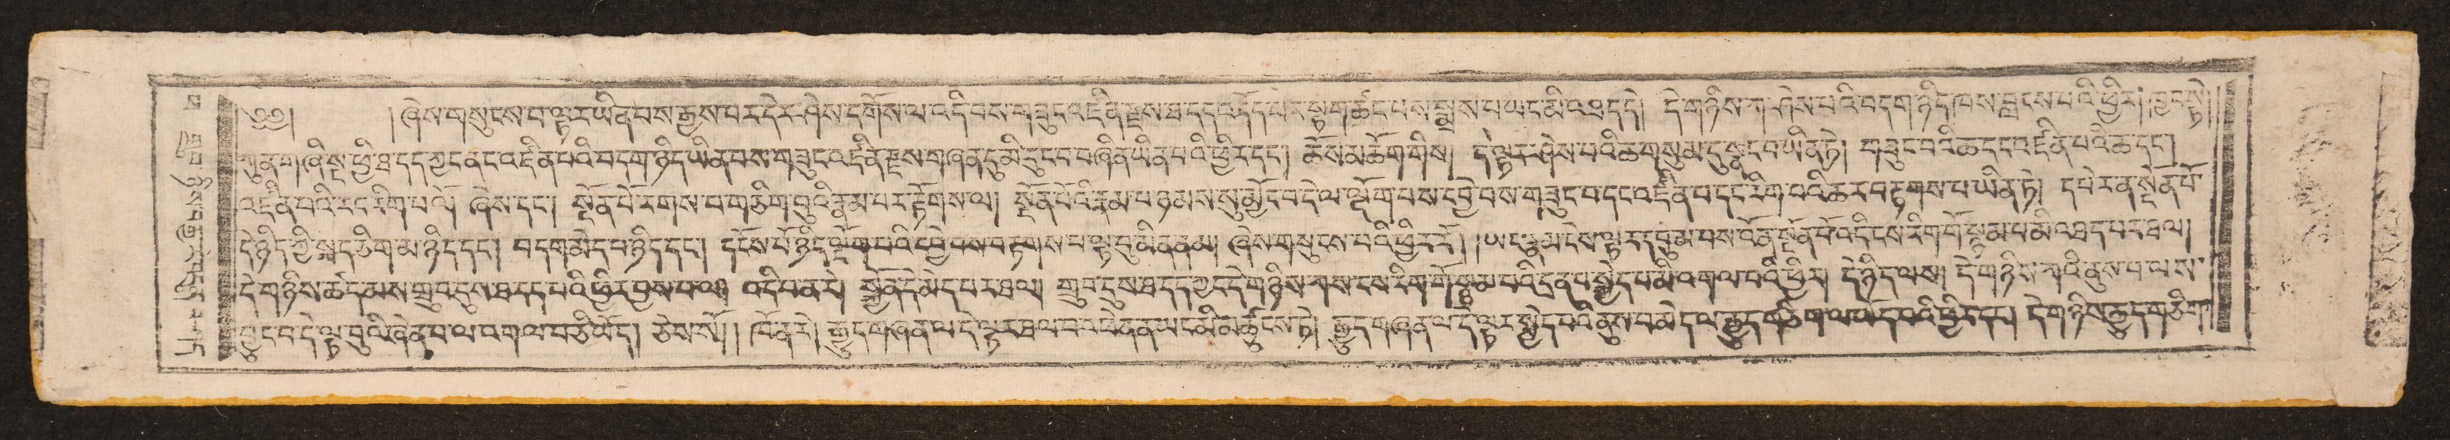༄༅། །ཞེས་གསུངས་པ་ལྟར་ཡིན་པས་རྒྱས་པར་དེར་ཤེས་དགོས་ལ་འདི་བས་གཟུང་འཛིན་རྫས་ཐ་དད་འདོད་པར་སྟག་ཚང་བས་སྨྲས་བ་ཡང་མེ་འཐད་དེ། དེ་གཉིས་ཀ་ཤེས་པའི་བདག་ཉིད་ཁས་བླངས་པའི་ཕྱིར། ཁྱབ་སྟེ།
ཀུན་གཞི་སྔ་ཕྱི་ཐ་དད་ཀྱང་ནང་འཛིན་པའི་བདག་ཉིད་ཡིན་པས་གཟུང་འཛིན་རྫས་གཞན་དུ་མི་རུང་བ་བཞིན་ཡིན་པའི་ཕྱིར་དང་། ཆོས་མཆོག་གིས། དེ་ལྟར་ཤེས་པའི་ཆ་གསུམ་དུ་སྣང་བ་ཡིན་ཏེ། གཟུང་བའི་ཆ་དང་འཛིན་པའི་ཆ་དང་།
འཛིན་པའི་རང་རིག་པའོ། ཞེས་དང་། སྔོན་པོ་རགས་པ་གཅིག་བུའི་རྣམ་པར་རྟོགས་ལ། སྔོན་པོའི་རྣམ་པ་ཉམས་སུ་མྱོང་བ་དེ་ལ་ལྡོག་པས་དབྱེ་བས་གཟུང་བ་དང་འཛིན་པ་དང་རིག་པའི་ཆར་བརྟགས་པ་ཡིན་ཏེ། དཔེར་ན་སྔོན་པོ་
དེ་ཉིད་ཀྱི་སྐད་ཅིག་མ་ཉིད་དང་། བདག་མེད་པ་ཉིད་དང་། དངོས་པོ་ཉིད་ལྡོག་པའི་དབྱེ་བས་བརྟགས་པ་ལྟ་བུ་མིན་ནམ། ཞེས་གསུངས་པའི་ཕྱིར་རོ། །ཡང་རྣམ་ངེས་ལྟར་དབུ་མ་པས་འོ་ན་སྔོན་པོ་འདི་ངས་རིག་གོ་སྙམ་པ་མི་འཐད་པར་ཐལ།
དེ་གཉིས་ཚད་མས་གྲུབ་དུས་ཐ་དད་པའི་ཕྱིར་བྱས་པ་ལ། འདི་པ་ན་རེ། སྐྱོན་དེ་མེད་པར་ཐལ། གྲུབ་དུས་ཐ་དད་ཀྱང་དེ་གཉིས་ཀས་ངས་རིག་གོ་སྙམ་པའི་དྲན་པ་སྐྱེད་པ་མི་འགལ་བའི་ཕྱིར། དེ་ཉིད་ལས། དེ་གཉིས་ཀའི་ནུས་པ་ལས་
བྱུང་བ་དེ་ལྟ་བུའི་ཞེན་པ་ལ་འགལ་བ་ཅི་ཡོད། ཅེས་སོ། །ཁོ་ན་རེ། རྒྱུད་གཞན་ལ་དེ་ལྟར་ཐལ་བ་འཕེན་ན་ཡང་མི་མཚུངས་ཏེ། རྒྱུད་གཞན་ལ་དེ་ལྟར་སྐྱེད་པའི་ནུས་པ་མེད་ལ་རྒྱུད་གཅིག་ལ་ཡོད་པའི་ཕྱིར་དང་། དེ་གཉིས་རྒྱུད་གཅིག་